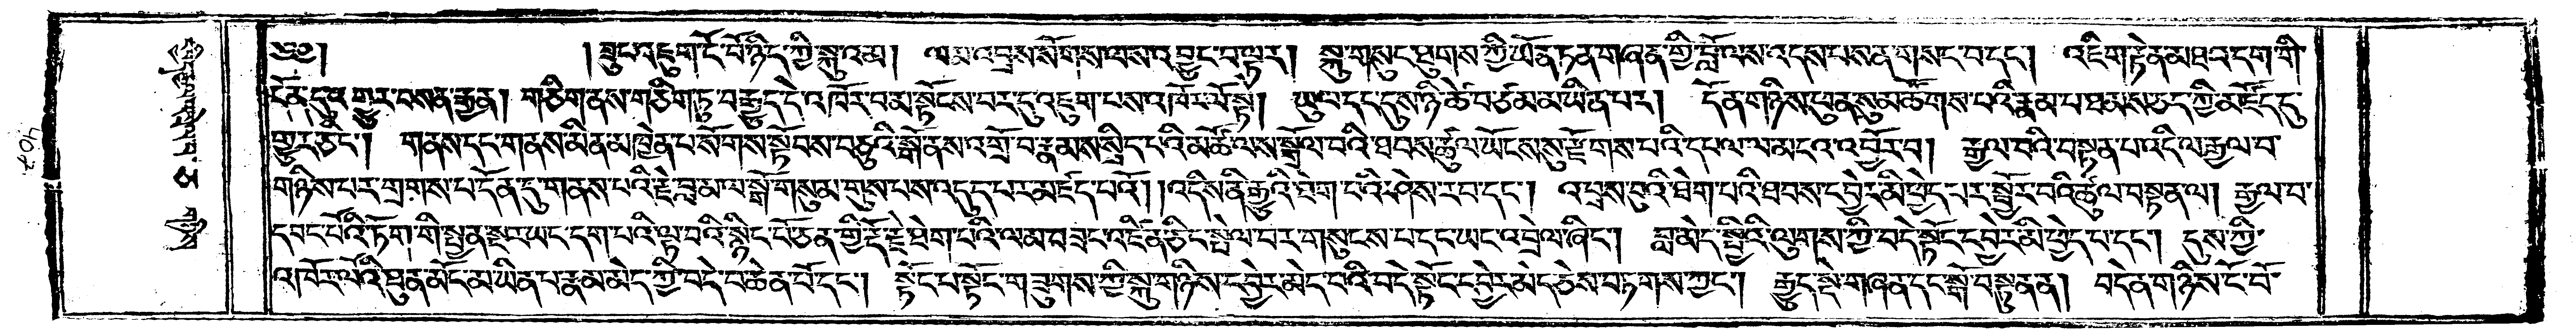༄༅། །ཟུང་འཇུག་ངོ་བོ་ཉིད་ཀྱི་སྐུའམ། ལམ་འབྲས་སོགས་ལས་འབྱུང་བ་ལྟར། སྐུ་གསུང་ཐུགས་ཀྱི་ཡོན་ཏན་གཞན་གྱི་བློ་ལས་འདས་པས་ན་གསང་བ་དང་། འཇིག་རྟེན་མཐའ་དག་གི་
དོན་དུ་འགྱུར་བས་ན་རྒྱན། གཅིག་ནས་གཅིག་ཏུ་བརྒྱུད་དེ་འཁོར་བ་མ་སྟོངས་བར་དུ་འཇུག་པས་འཁོར་ལོ་སྟེ། ཡུལ་དང་དུས་ཉེ་ཚེ་བ་ཙམ་མ་ཡིན་པར། དོན་གཉིས་ཕུན་སུམ་ཚོགས་པའི་རྣམ་པ་ཐམས་ཅད་ཀྱི་མཛོད་དུ་
ཕྱུར་ཅིང་། གནས་དང་གནས་མིན་མཁྱེན་པ་སོགས་སྟོབས་བཅུའི་སྒོ་ནས་འགྲོ་བ་རྣམས་སྲིད་པའི་མཚོ་ལས་སྒྲོལ་བའི་ཐབས་ཚུལ་ཡོངས་སུ་རྫོགས་པའི་དཔལ་ལ་མངའ་འབྱོར་བ། རྒྱལ་བའི་བསྟན་པ་འདི་ལ་རྒྱལ་བ་
གཉིས་པར་གྲགས་པ་དོན་དུ་གནས་པའི་རྗེ་བླ་མ་ལ་སྒོ་གསུམ་གུས་པས་འདུད་པར་མཛད་བའོ། །འདིས་ནི་རྒྱུའི་ཐེག་པའི་ཤེས་རབ་དང་། འབྲས་བུའི་ཐེག་པའི་ཐབས་དབྱེར་མི་ཕྱེད་པར་སྦྱོར་བའི་ཚུལ་བསྟན་ལ། རྒྱལ་བ་
དབང་པོའི་ཏོག་གི་སྤྱན་སྔར་ཡང་དག་པའི་ལྟ་བའི་སྙིང་པོ་ཅན་གྱི་རྡོ་རྗེ་ཐེག་པའི་ལམ་བཟང་འཛིན་ཅིང་སྤེལ་བར་གསུངས་པ་དང་ཡང་འབྲེལ་ཞིང་། བླ་མེད་སྤྱིའི་ལུགས་ཀྱི་བདེ་སྟོང་དབྱེར་མི་ཕྱེད་པ་དང་། དུས་ཀྱི་
འཁོར་ལོའི་ཐུན་མོང་མ་ཡིན་པ་རྣམ་མེད་ཀྱི་བདེ་བ་ཆེན་པོ་དང་། སྟོང་པ་སྟོང་གཟུགས་ཀྱི་སྐུ་གཉིས་དབྱེར་མེད་པའི་བདེ་སྟོང་དབྱེར་མེད་ཅེས་བཏགས་ཀྱང་། རྒྱུད་སྡེ་གཞན་དང་སྒོ་བསྟུན་ན། བདེན་གཉིས་ངོ་བོ་